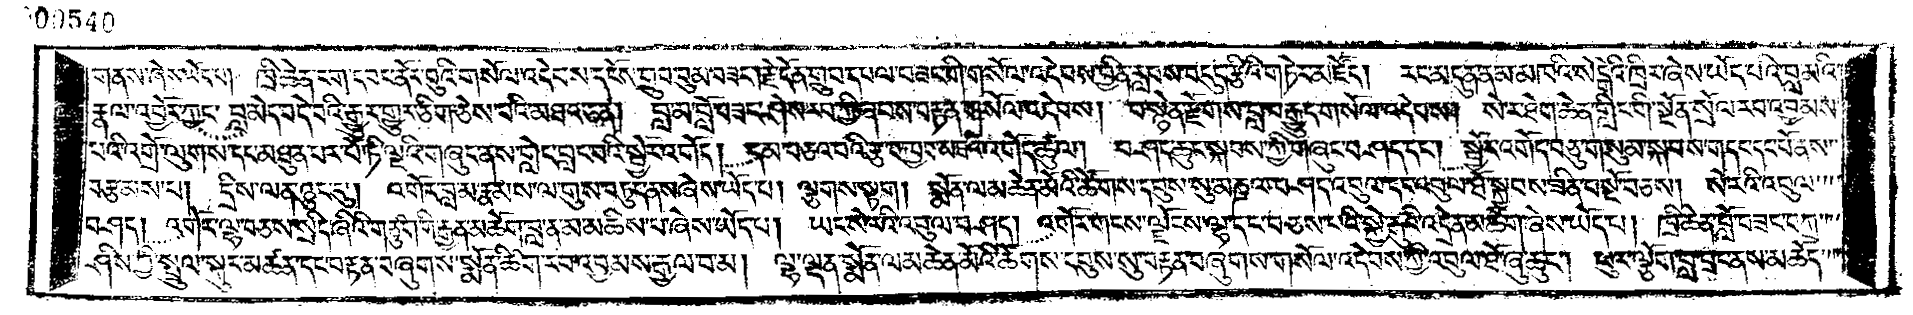གནས་ཞེས་ཡོད་པ།  ཁྲི་ཆེན་ངག་དབང་ནོར་བུའི་གསོལ་འདེབས་དངོས་གྲུབ་བུམ་བཟང་། རྗེ་དོན་གྲུབ་དཔལ་བཟང་གི་གསོལ་འདེབས་བྱིན་རླབས་བདུད་རྩིའི་གཏེར་མཛོད། རང་མདུན་ནམ་མཁའི་སེངྒེའི་ཁྲིར་ཞེས་ཡོད་པའི་བླ་མའི་
རྣལ་འབྱོར་ཀྱང་བླ་མེད་བདེ་བའི་རྒྱུར་གྱུར་ཅིག་ཅེས་པའི་མཐའ་ཅན།  བླ་མ་བློ་བཟང་ཤེས་རབ་ཀྱི་ཞབས་བརྟན་གསོལ་འདེབས། བསྙེན་རྫོགས་བླ་བརྒྱུད་གསོལ་འདེབས། སེ་ར་ཐེག་ཆེན་གླིང་གི་སྔོན་སྲོལ་རབ་འབྱམས་
པའི་འགྲོ་ལུགས་དང་མཐུན་པར་པོ་ཏི་ལྔའི་གཞུང་ནས་གླེང་བླང་བའི་སྦྱོར་འགོད། དམ་བཅའ་བའི་རྩ་བ་ཁྱབ་མཐའི་འགོད་ཚུལ།  བཤད་ཆུང་སྐབས་ཀྱི་གཞུང་བཤད་དང་སྦྱོར་འགོད་བཅུ་གསུམ་སྐབས་གདང་དང་པོ་ནས་
བརྩམས་པ། དྲིས་ལན་ཉུང་དུ། འགོར་བླ་མ་རྣམས་ལ་གུས་བཏུད་ནས་ཞེས་ཡོད་པ། ལྕགས་སྟག། སྨོན་ལམ་ཆེན་མོའི་ཚོགས་དབུས་སུ་མཎྜལ་བཤད་འབུལ་དང་འབུལ་ཐོ་སྐྱབས་ཟིན་བསྔོ་བཅས། སེ་རའི་འབུལ་
བཤད། འགོར་ལྷ་བཅས་སྲིད་ཞིའི་གཙུག་གི་རྒྱན་མཆོག་བླ་ན་མ་མཆིས་པ་ཞེས་ཡོད་པ། ཡང་སེ་རའི་འབུལ་བཤད། འགོར་གངས་ལྗོངས་ལྷ་དང་བཅས་པའི་སྐྱེ་རྒུའི་འདྲེན་མཆོག་ཞེས་ཡོད་པ།  ཁྲི་ཆེན་བློ་བཟང་བཀྲ་
ཤིས་ཀྱི་སྤྲུལ་སྐུར་མཚན་དང་བརྟན་བཞུགས་སྨོན་ཚིག་རབ་འབྱམས་རྒྱལ་བ་མ། ལྷ་ལྡན་སྨོན་ལམ་ཆེན་མོའི་ཚོགས་དབུས་སུ་བརྟན་བཞུགས་གསོལ་འདེབས་ཀྱི་འབུལ་ཐོ་ཞུ་ཆུང་། ཕུར་ལྕོག་བླ་བྲང་ནས་མཆོད་